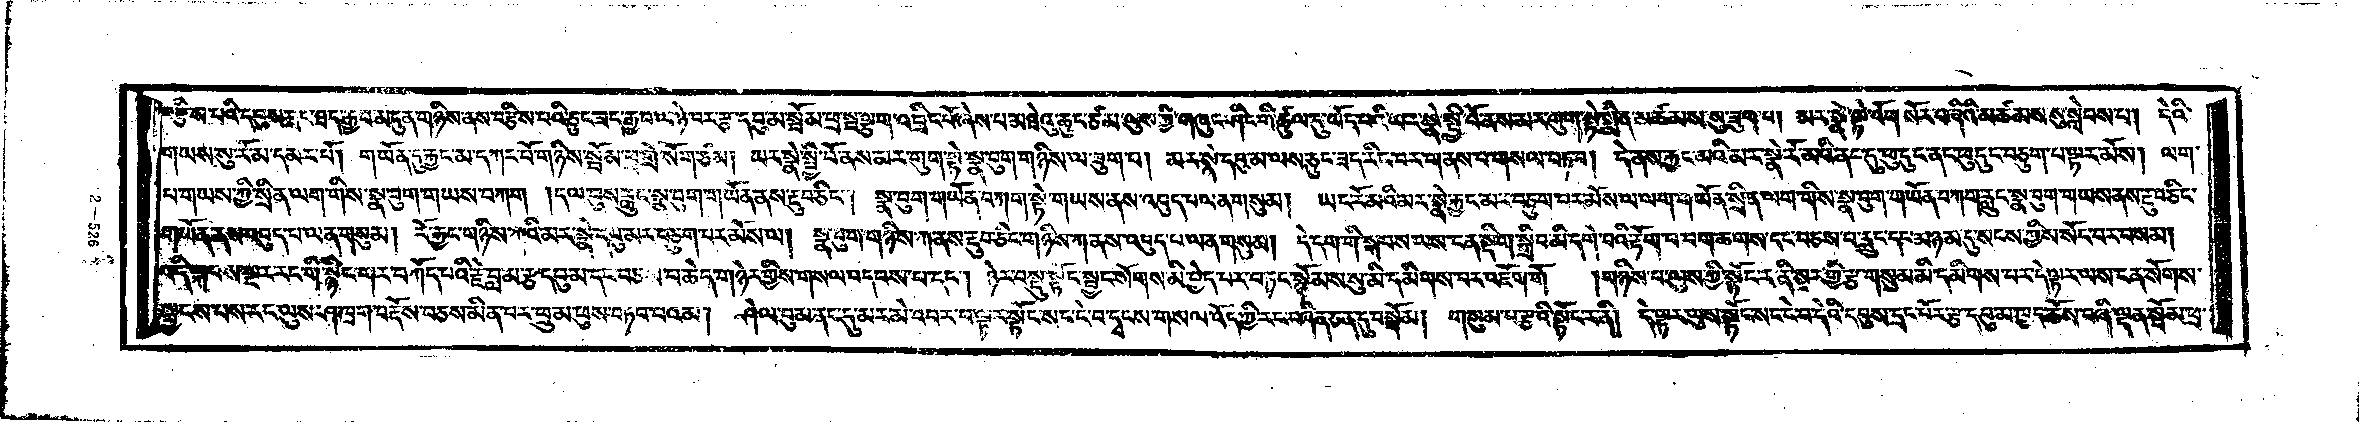བརྩིས་པའི་དབུས་རླང་ཐད་རྒྱབ་མདུན་གཉིས་ནས་བརྩིས་པའི་ཅུང་ཟད་རྒྱབ་ལ་ཉེ་བར་རྩ་དབུ་མ་སྦོམ་ཕྲ་སྦ་ལྕག་འབྲིང་པོ་ཞེས་པ་མཐེའུ་ཆུང་ཙམ་ལུས་ཀྱི་གཞུང་ཤིང་གི་ཚུལ་དུ་ཡོད་པའི་ཡར་སྣེ་སྤྱི་བོ་ནས་མར་གུག་སྟེ་སྨིན་མཚམས་གུ་ཟུག་པ། མར་སྣེ་སྟེ་འོག་སོར་བཞིའི་མཚམས་སུ་སླེབས་པ། དེའི་
གཡས་སུ་རོ་མ་དམར་པོ། གཡོན་དུ་རྒྱང་མ་དཀར་བོ་གཉིས་སྦོམ་ཕྲ་གྲོ་སོག་ཙམ། ཡར་སྣེ་སྤྱི་བོ་ནས་མར་གུག་སྟེ་སྣ་བུག་གཉིས་ལ་ཟུག་པ། མར་སྣེ་དབུ་མ་ལས་ཅུང་ཟད་རིང་བར་གནས་པ་གསལ་བཏབ། དེ་ནས་རྐྱང་མའི་མར་སྣེ་རོ་མའི་ནང་དུ་ལུ་དུང་ནང་ཕུ་དུང་བཅུག་པ་ལྟར་མོས། ལག་
པ་གཡས་ཀྱི་སྲིན་ལག་གིས་སྣ་བུག་གཡས་བཀག །དལ་བུས་རླུང་སྣ་བུག་གཡོན་ནས་རྡུ་བཅིང་། སྣ་བུག་གཡོན་བཀག་སྟེ་གཡས་ནས་འབུད་པ་ལན་གསུམ། ཡང་རོ་མའི་མར་སྣེ་རྐྱང་མར་བཅུག་པར་མོས་ལ་ལག་གཡོན་སྲིན་ལག་གིས་སྣ་བུག་གཡོན་བཀག་རླུང་སྣ་བུག་གཡས་ནས་རྡུབ་ཅིང་
གཡོན་ནས་འབུད་པ་ལན་གསུམ། རོ་རྐྱང་གཉིས་ཀའི་མར་སྣེ་དབུ་མར་བཅུག་པར་མོས་ལ། སྣ་བུག་གཉིས་ཀ་ནས་རྡུབ་ཅིང་གཉིས་ཀ་ནས་འབུད་པ་ལན་གསུམ། དེ་དག་གི་སྐབས་ལས་ངན་སྡིག་སྒྲིབ་མི་དགེ་བའི་རྟོག་པ་བག་ཆགས་དང་བཅས་པ་རླུང་དང་མཉམ་དུ་སངས་ཀྱིས་སོང་པར་བསམ།
འདི་སྐབས་སྔར་རང་གི་སྙིང་གར་བཀོད་པའི་རྗེ་བླ་མ་རྩ་དབུ་མ་དང་བཅས་པ་ཆེད་གཉེར་གྱིས་གསལ་བདབས་པ་དང་། ཉེར་བསྡུ་སྟོང་སྦྱང་སོགས་མི་བྱེད་པར་བཏང་སྙོམས་སུ་མི་དམིགས་པར་འཇོག་གོ །གཉིས་བ་ལུས་ཀྱི་སྟོང་ར་ནི་སྔར་གྱི་རྩ་གསུམ་མི་དམིགས་པར་དེ་ལྟར་ལས་ངན་སོགས་
སྦྱངས་པས་རང་ལུས་ཤ་ཁྲག་བརྡོས་བཅས་མིན་པར་ཕྲུ་མ་ཕུས་བཏབ་བའམ། ཤེལ་བུམ་ནང་དུ་མར་མེ་འབར་བ་ལྟར་སྟོང་སང་དེ་བ་དྭངས་གསལ་འོད་ཀྱི་རང་བཞིན་ཅན་དུ་བསྒོམ། གསུམ་པ་རྩའི་སྟོང་ར་ནི། དེ་ལྟར་ལུས་སྟོངས་སང་ངེ་བ་དེའི་དབུས་དྲང་པོར་རྩ་དབུ་མ་ཁྱད་ཆོས་བཞི་ལྡན་སྦོམ་ཕྲ་